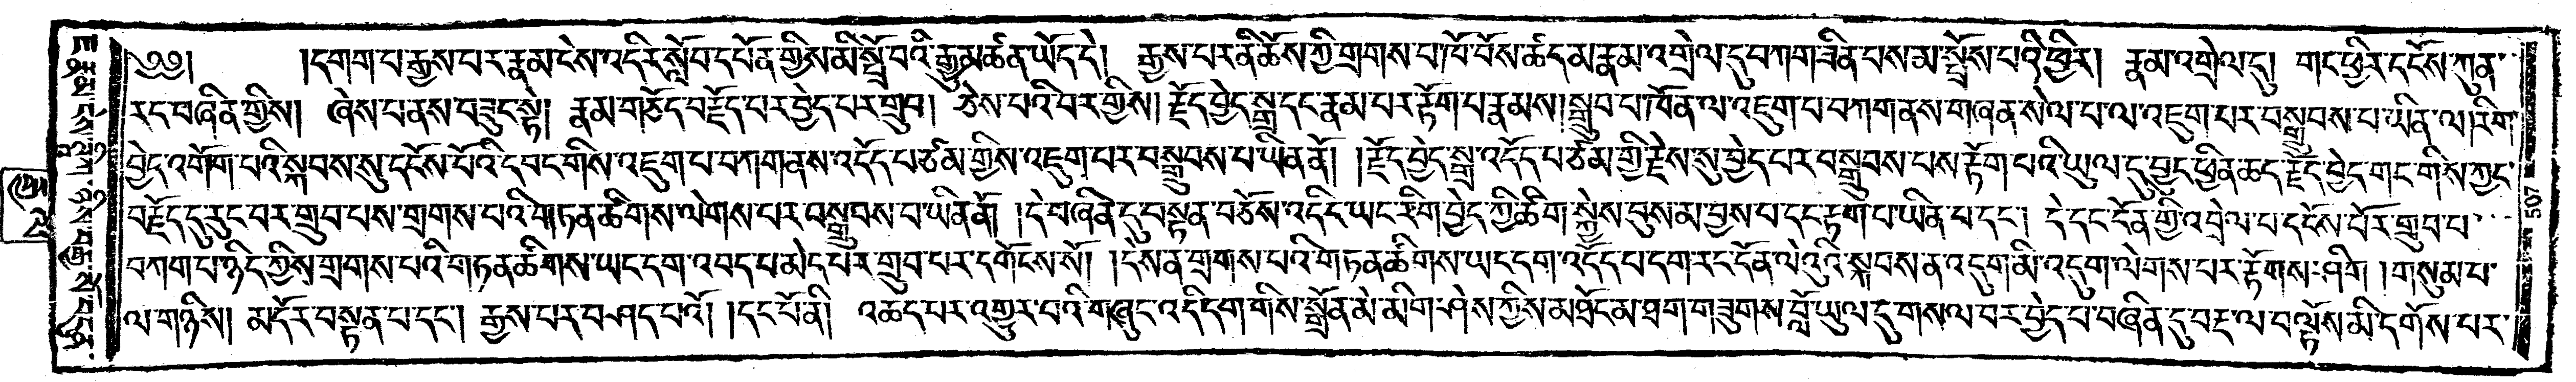༄༅། །དགག་པ་རྒྱས་པར་རྣམ་ངེས་འདིར་སློབ་དཔོན་གྱིས་མི་སྤྲོ་བའི་རྒྱུ་མཚན་ཡོད་དེ། རྒྱས་པར་ནི་ཆོས་ཀྱི་གྲགས་པ་ཁོ་བོས་ཚད་མ་རྣམ་འགྲེལ་དུ་བཀག་ཟིན་པས་མ་སྤྲོས་པའི་ཕྱིར། རྣམ་འགྲེལ་དུ། གང་ཕྱིར་དངོས་ཀུན་
རང་བཞིན་གྱིས། ཞེས་པ་ནས་བཟུང་སྟེ། རྣམ་གཅོད་བརྗོད་པར་བྱེད་པར་གྲུབ། ཅེས་པའི་བར་གྱིས། རྗོད་བྱེད་སྒྲ་དང་རྣམ་པར་རྟོག་པ་རྣམས། སྒྲུབ་པ་ཁོ་ན་ལ་འཇུག་པ་བཀག་ནས་གཞན་སེལ་པ་ལ་འཇུག་པར་བསྒྲུབས་པ་ཡིན་ལ། རིག་
བྱེད་འགོག་པའི་སྐབས་སུ་དངོས་པོའི་དབང་གིས་འཇུག་པ་བཀག་ནས་འདོད་པ་ཙམ་གྱིས་འཇུག་པར་བསྒྲུབས་པ་ཡིན་ནོ། །རྗོད་བྱེད་སྒྲ་འདོད་པ་ཙམ་གྱི་རྗེས་སུ་བྱེད་པར་བསྒྲུབས་པས་རྟོག་པའི་ཡུལ་དུ་བྱུང་ཕྱིན་ཆད་རྗོད་བྱེད་གང་གིས་ཀྱང་
བརྗོད་དུ་རུང་བར་གྲུབ་པས་གྲགས་པའི་གཏན་ཚིགས་ལེགས་པར་བསྒྲུབས་པ་ཡིན་ནོ། །དེ་བཞིན་དུ་བསྟན་བཅོས་འདིང་ཡང་རིག་བྱེད་ཀྱི་ཚིག་སྐྱེས་བུས་མ་བྱས་པ་དང་རྟག་པ་ཡིན་པ་དང་། དེ་དང་དོན་གྱི་འབྲེལ་པ་དངོས་པོར་གྲུབ་པ་
བཀག་པ་ཉིད་ཀྱིས་གྲགས་པའི་གཏན་ཚིགས་ཡང་དག་འབད་པ་མེད་པར་གྲུབ་པར་དགོངས་སོ། །དེས་ན་གྲགས་པའི་གཏན་ཚིགས་ཡང་དག་འདོད་པ་དག་རང་དོན་ལེའུའི་སྐབས་ན་འདུག་མི་འདུག་ལེགས་པར་རྟོགས་ཤིག །གསུམ་པ་
ལ་གཉིས། མདོར་བསྟན་པ་དང་། རྒྱས་པར་བཤད་པའོ། །དང་པོ་ནི། འཆད་པར་འགྱུར་བའི་གཞུང་འདི་དག་གིས་སྒྲོན་མེ་མིག་ཤེས་ཀྱིས་མཐོང་མ་ཐག་གཟུགས་བློ་ཡུལ་དུ་གསལ་བར་བྱེད་པ་བཞིན་དུ་བརྡ་ལ་བལྟོས་མི་དགོས་པར་